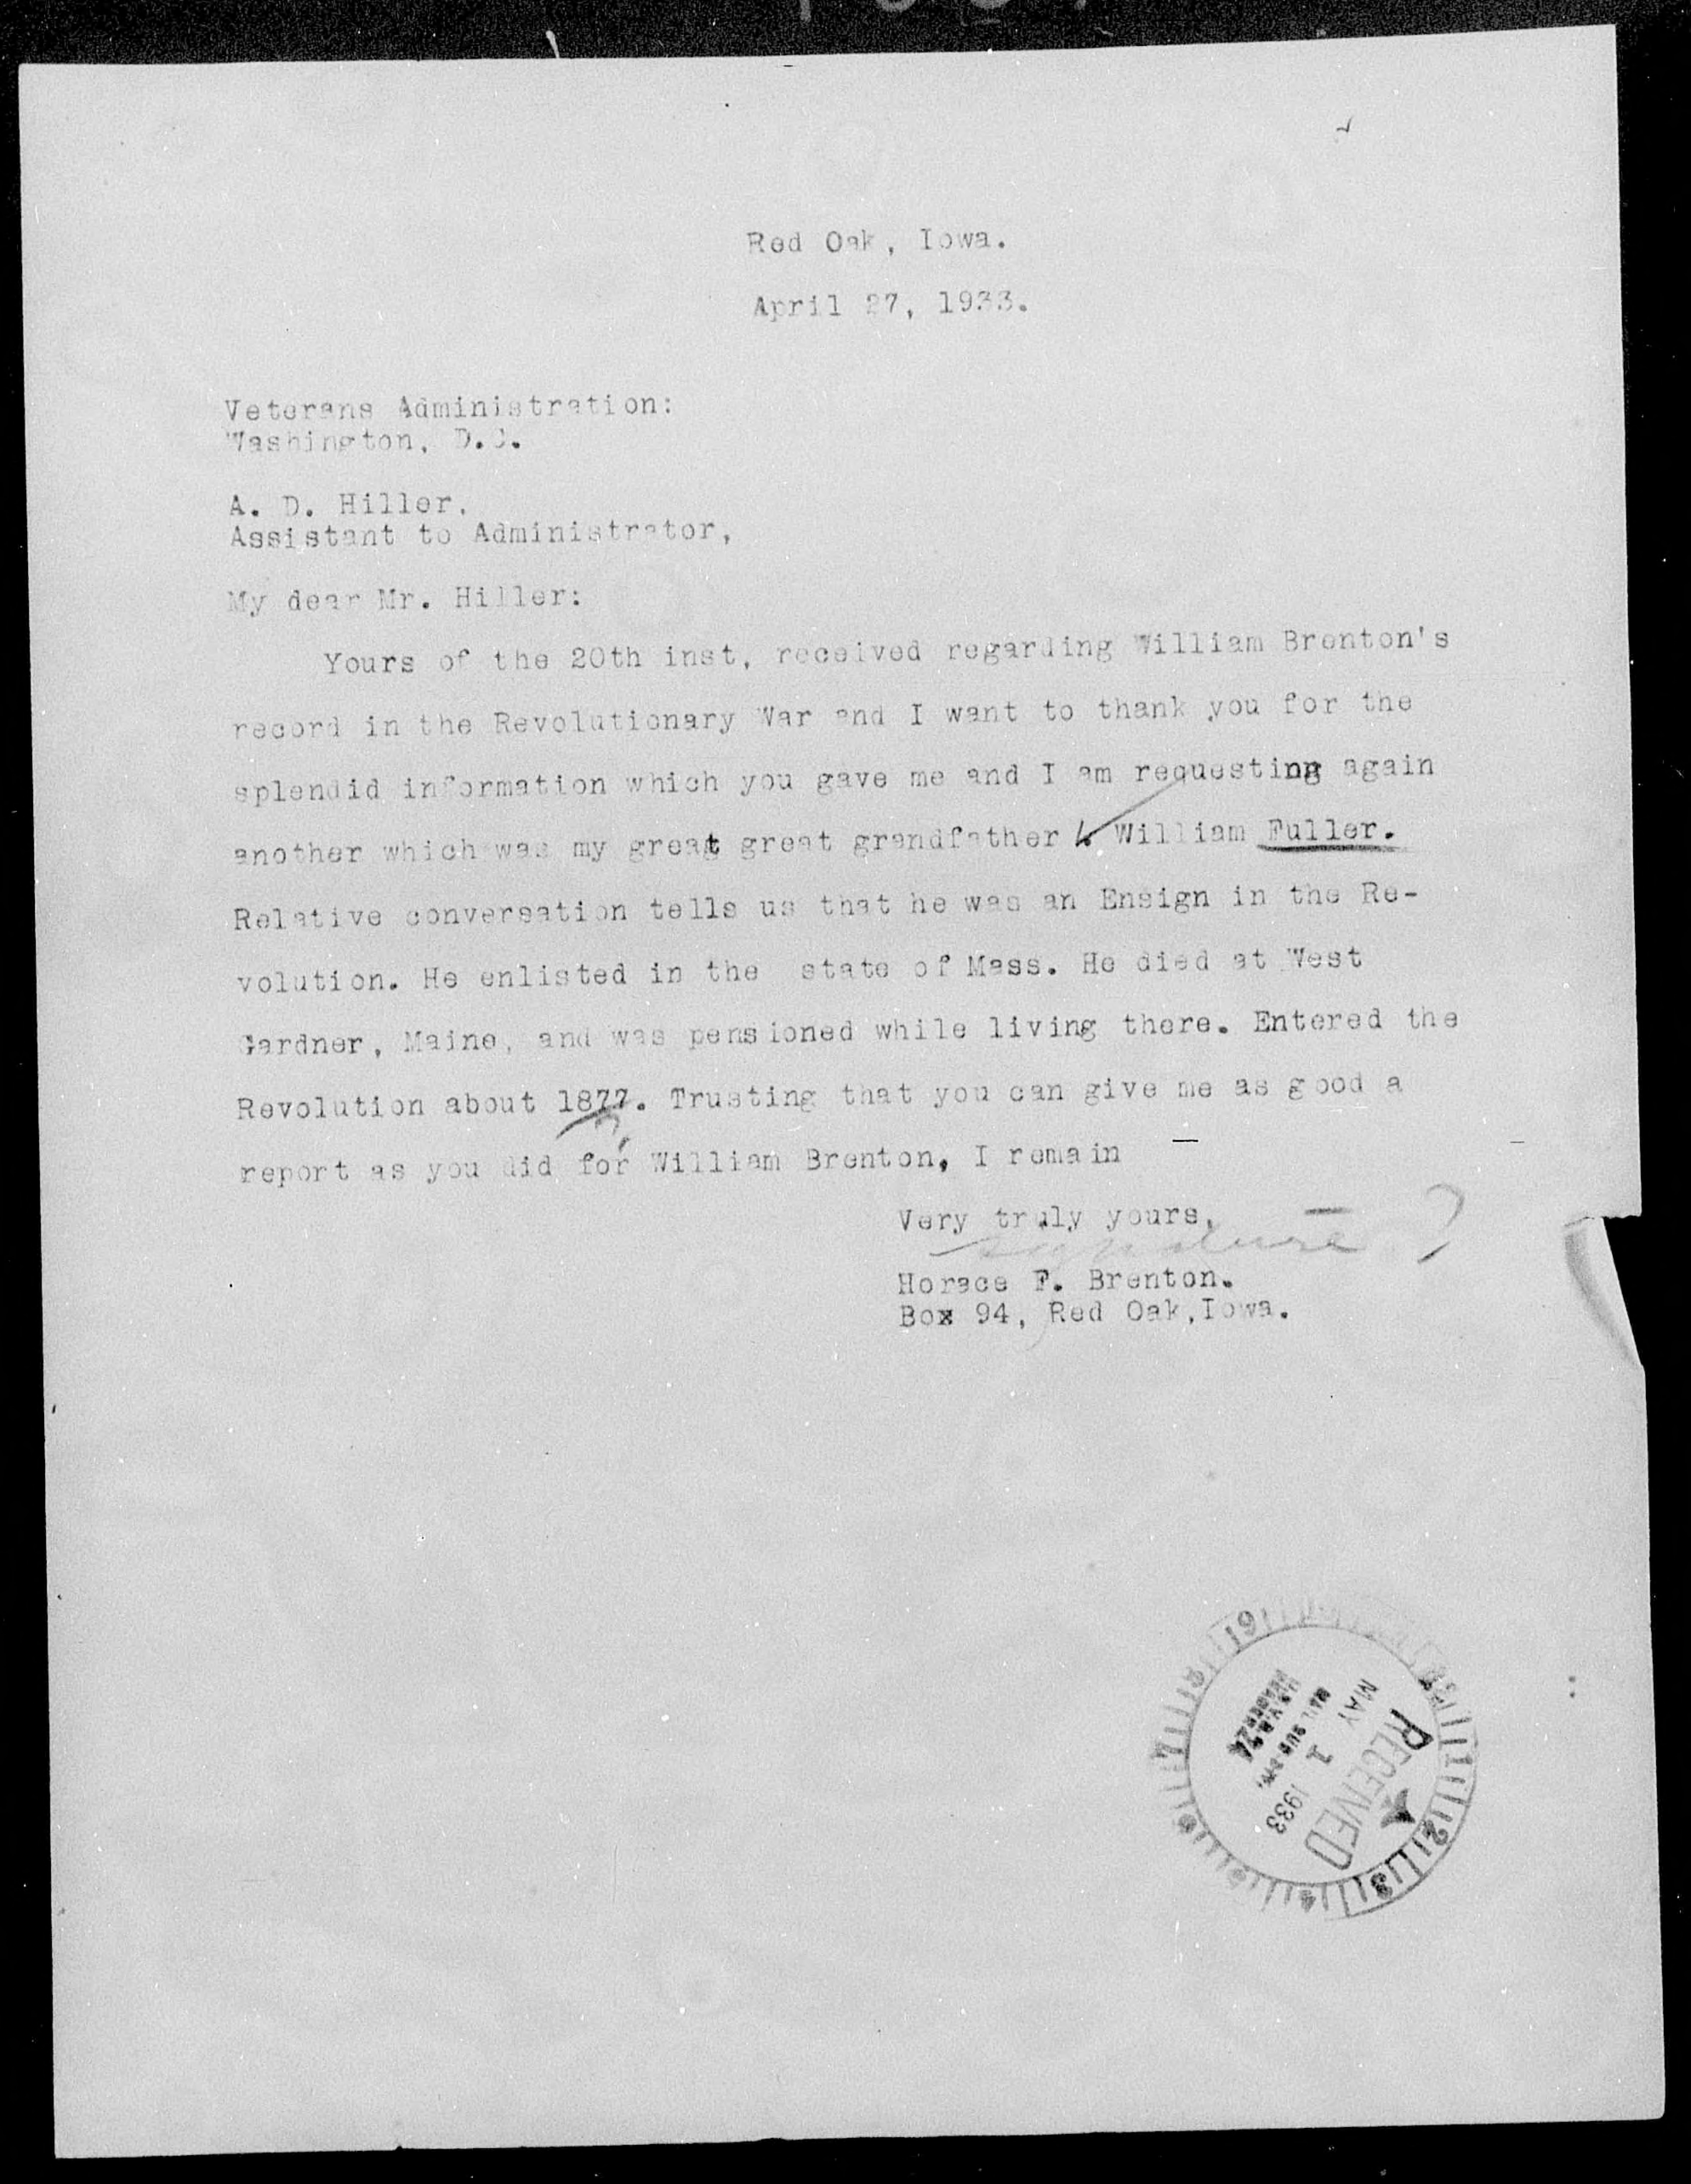Red Oak, Iowa.
April 27, 1933.

Veterans Administration:
Washington, D.C.

A. D. Hiller.
Assistant to Administrator,

My dear Mr. Hiller:
Yours of the 20th inst. received regarding William Brenton's record in the Revolutionary War and I want to thank you for the splendid information which you gave me and I a m requesting again another which was my great great grandfather, [added in pencil: check mark] William Fuller. [added in pencil: underline]
Relative conversation tells us that he was an Ensign in the Revolution. He enlisted in the state of Mass. He died at West Gardner, Maine, and was pensioned while living there. Entered the Revolution about 1877. [added in pencil: underline and ?] Trusting that you can give me as good a report as you did for William Brenton. I remain
Very truly yours,
[in pencil: signature?]
Horace F. Brenton.
Box 94, Red Oak, Iowa.

[stamped: RECEIVED MAY 1 1933 MAIL SUB DIV. U.S.V.B [illegible] 24]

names: Horace F Brenton, A D Hiller, William Brenton, William Brenton, Hiller, William Fuller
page: 43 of 45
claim: widow's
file: W. 17933, William Fuller, Mass